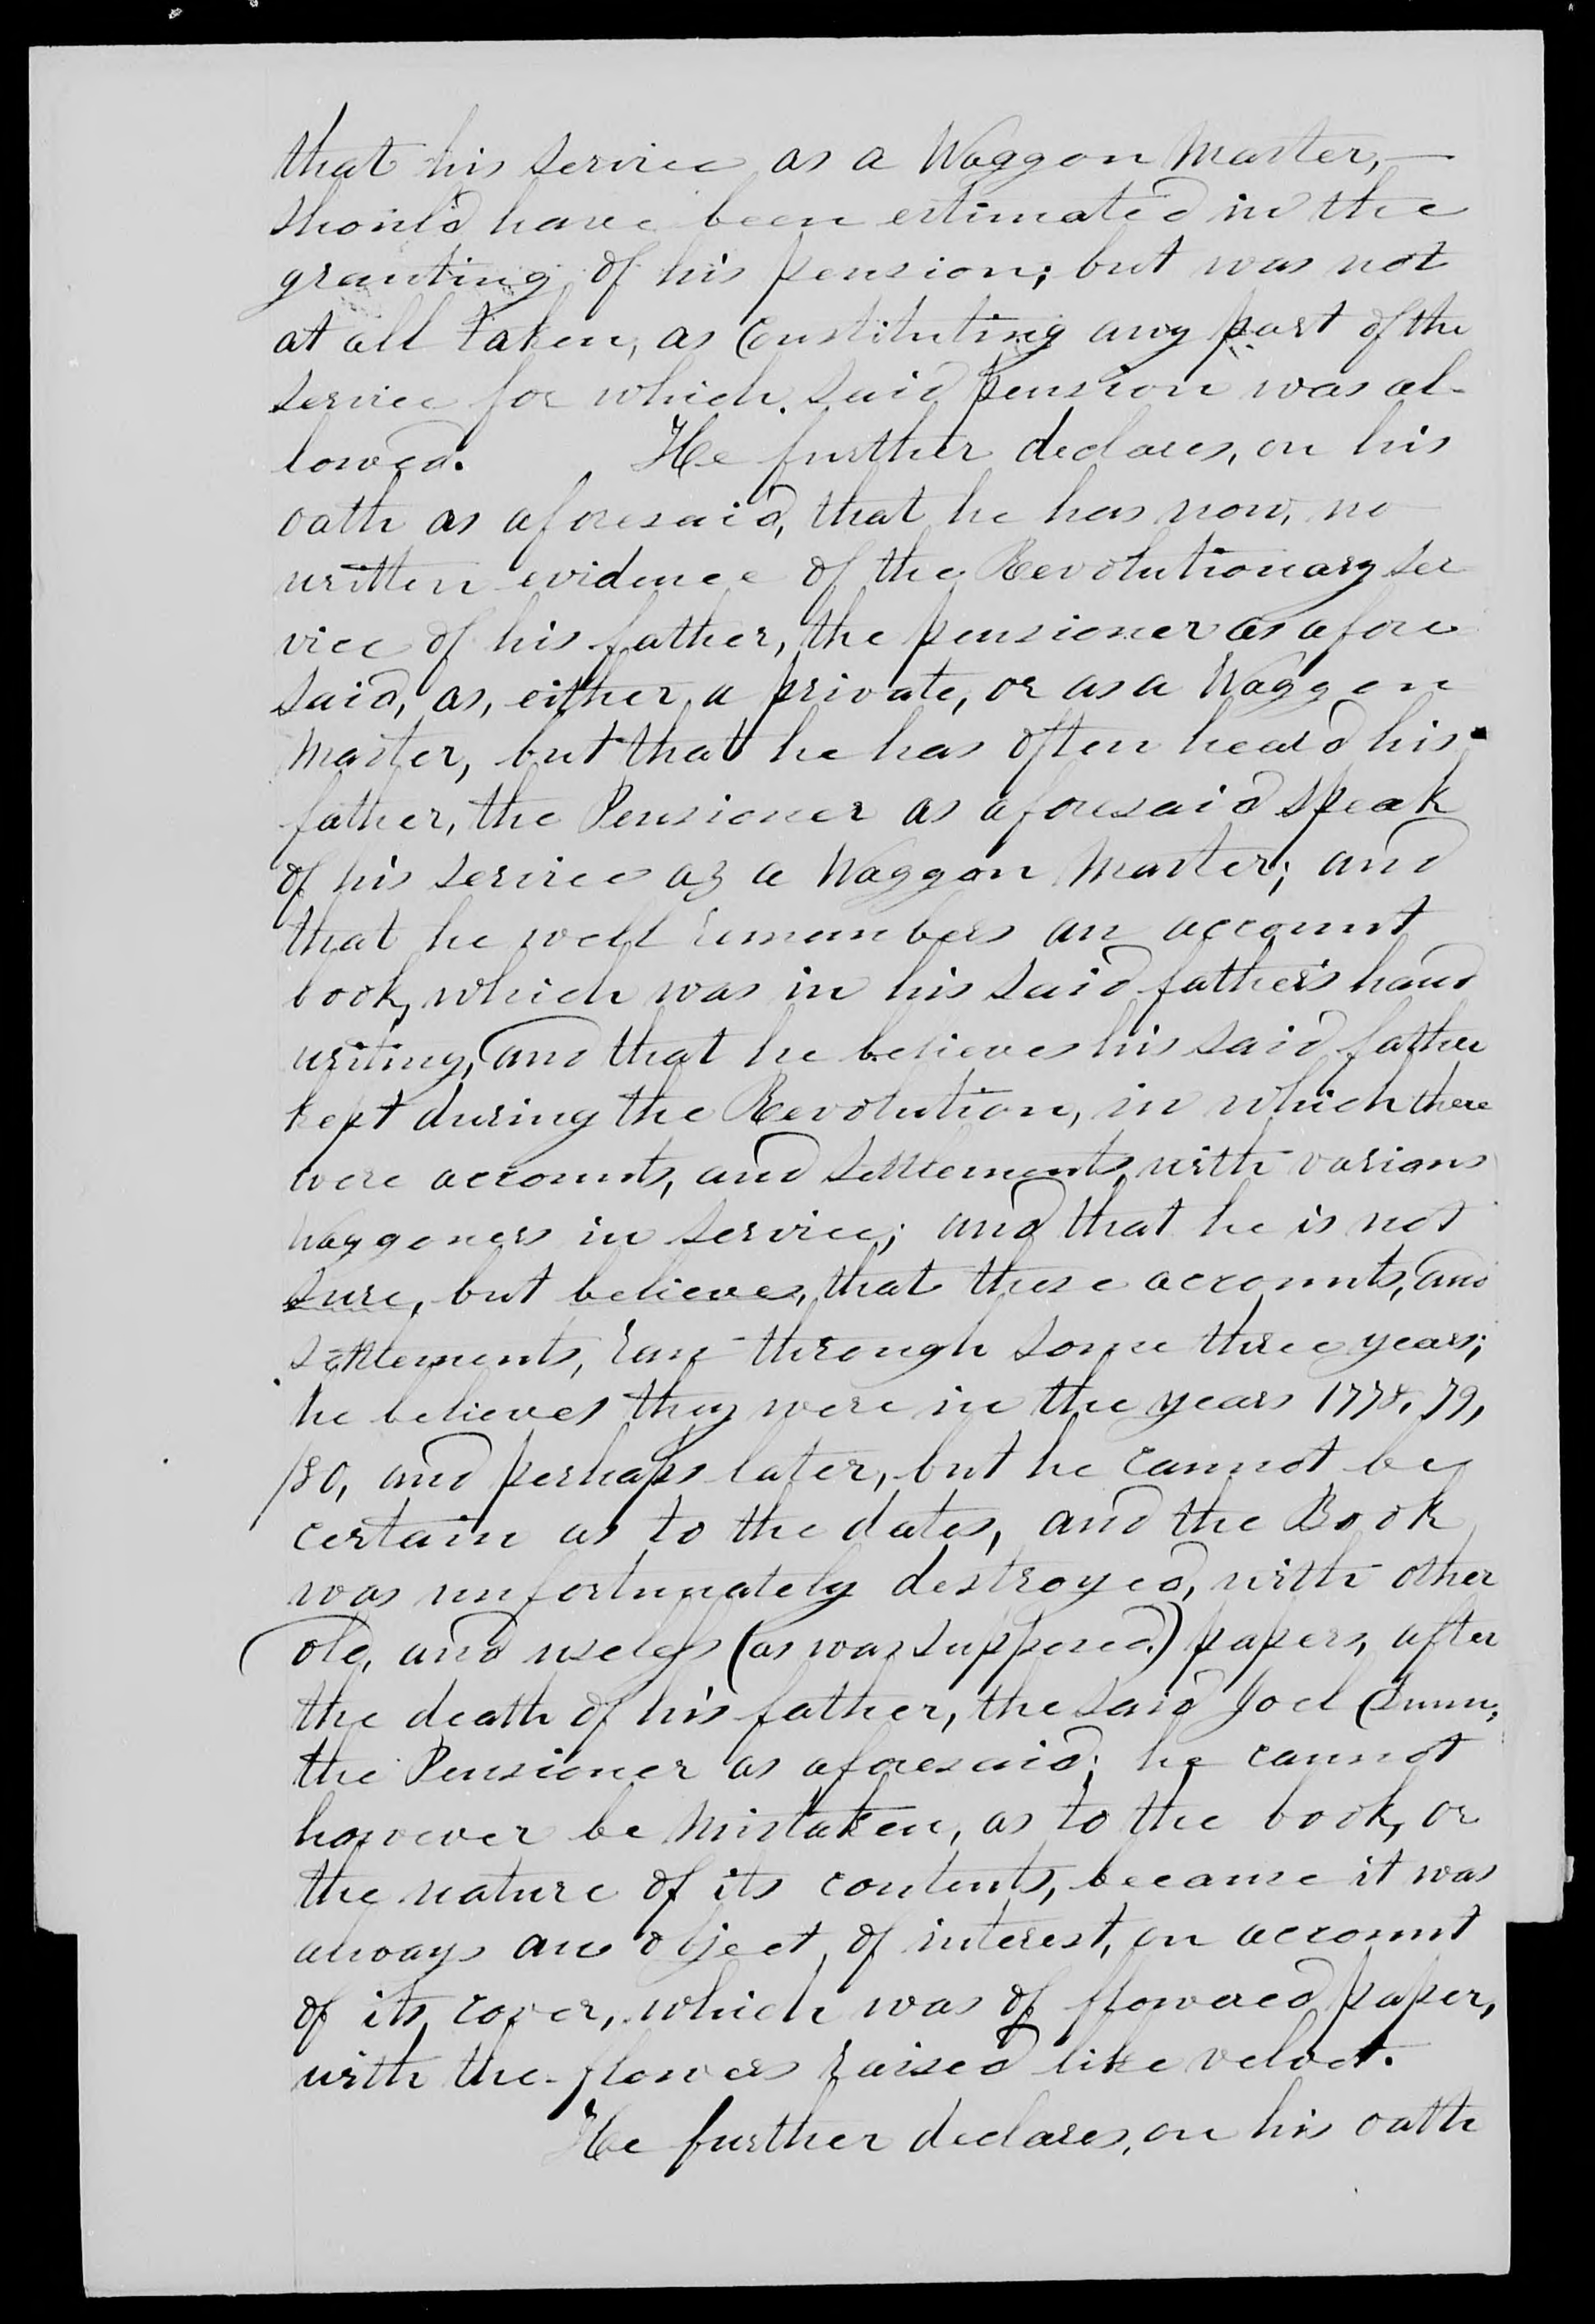that his service as a Waggon Master, should have been estimated in the granting of his pension, but was not at all taken, as Constituting any part of the service for which said pension was allowed.  He further declares on his oath as aforesaid, that he has now no
written evidence of the Revolutionary service of his father, the pensioner as aforesaid, as either a private, or as a Waggon master, but that he has often heard his father, the Pensioner as aforesaid speak of his service as a Waggon Master; and that he well remembers an account
book, which was in his said father's hand
writing, and that he believes his said father
kept during the Revolution, in which there were accounts, and settlements with various waggons in service; and that he is not sure, but believe, that these accounts, and settlements, ran through some three years; he believes they were in the years 1778, 79/80, and perhaps later, but he cannot be certain as to the dates, and the Book, was unfortunately destroyed, with other old, and useless (as was supposed) papers, after the death of his father, the said Joel Dunn, the Pensioner as aforesaid; he cannot however be mistaken, as to the book, or
the nature of its contents, because it was always an object of interest, on account of its cover, which was of flowered paper, with the flowers raised like velvet.

He further declares on his oath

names: Joel Dunn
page: 14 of 52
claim: widow's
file: W. 919, Joel Dunn, New Jersey